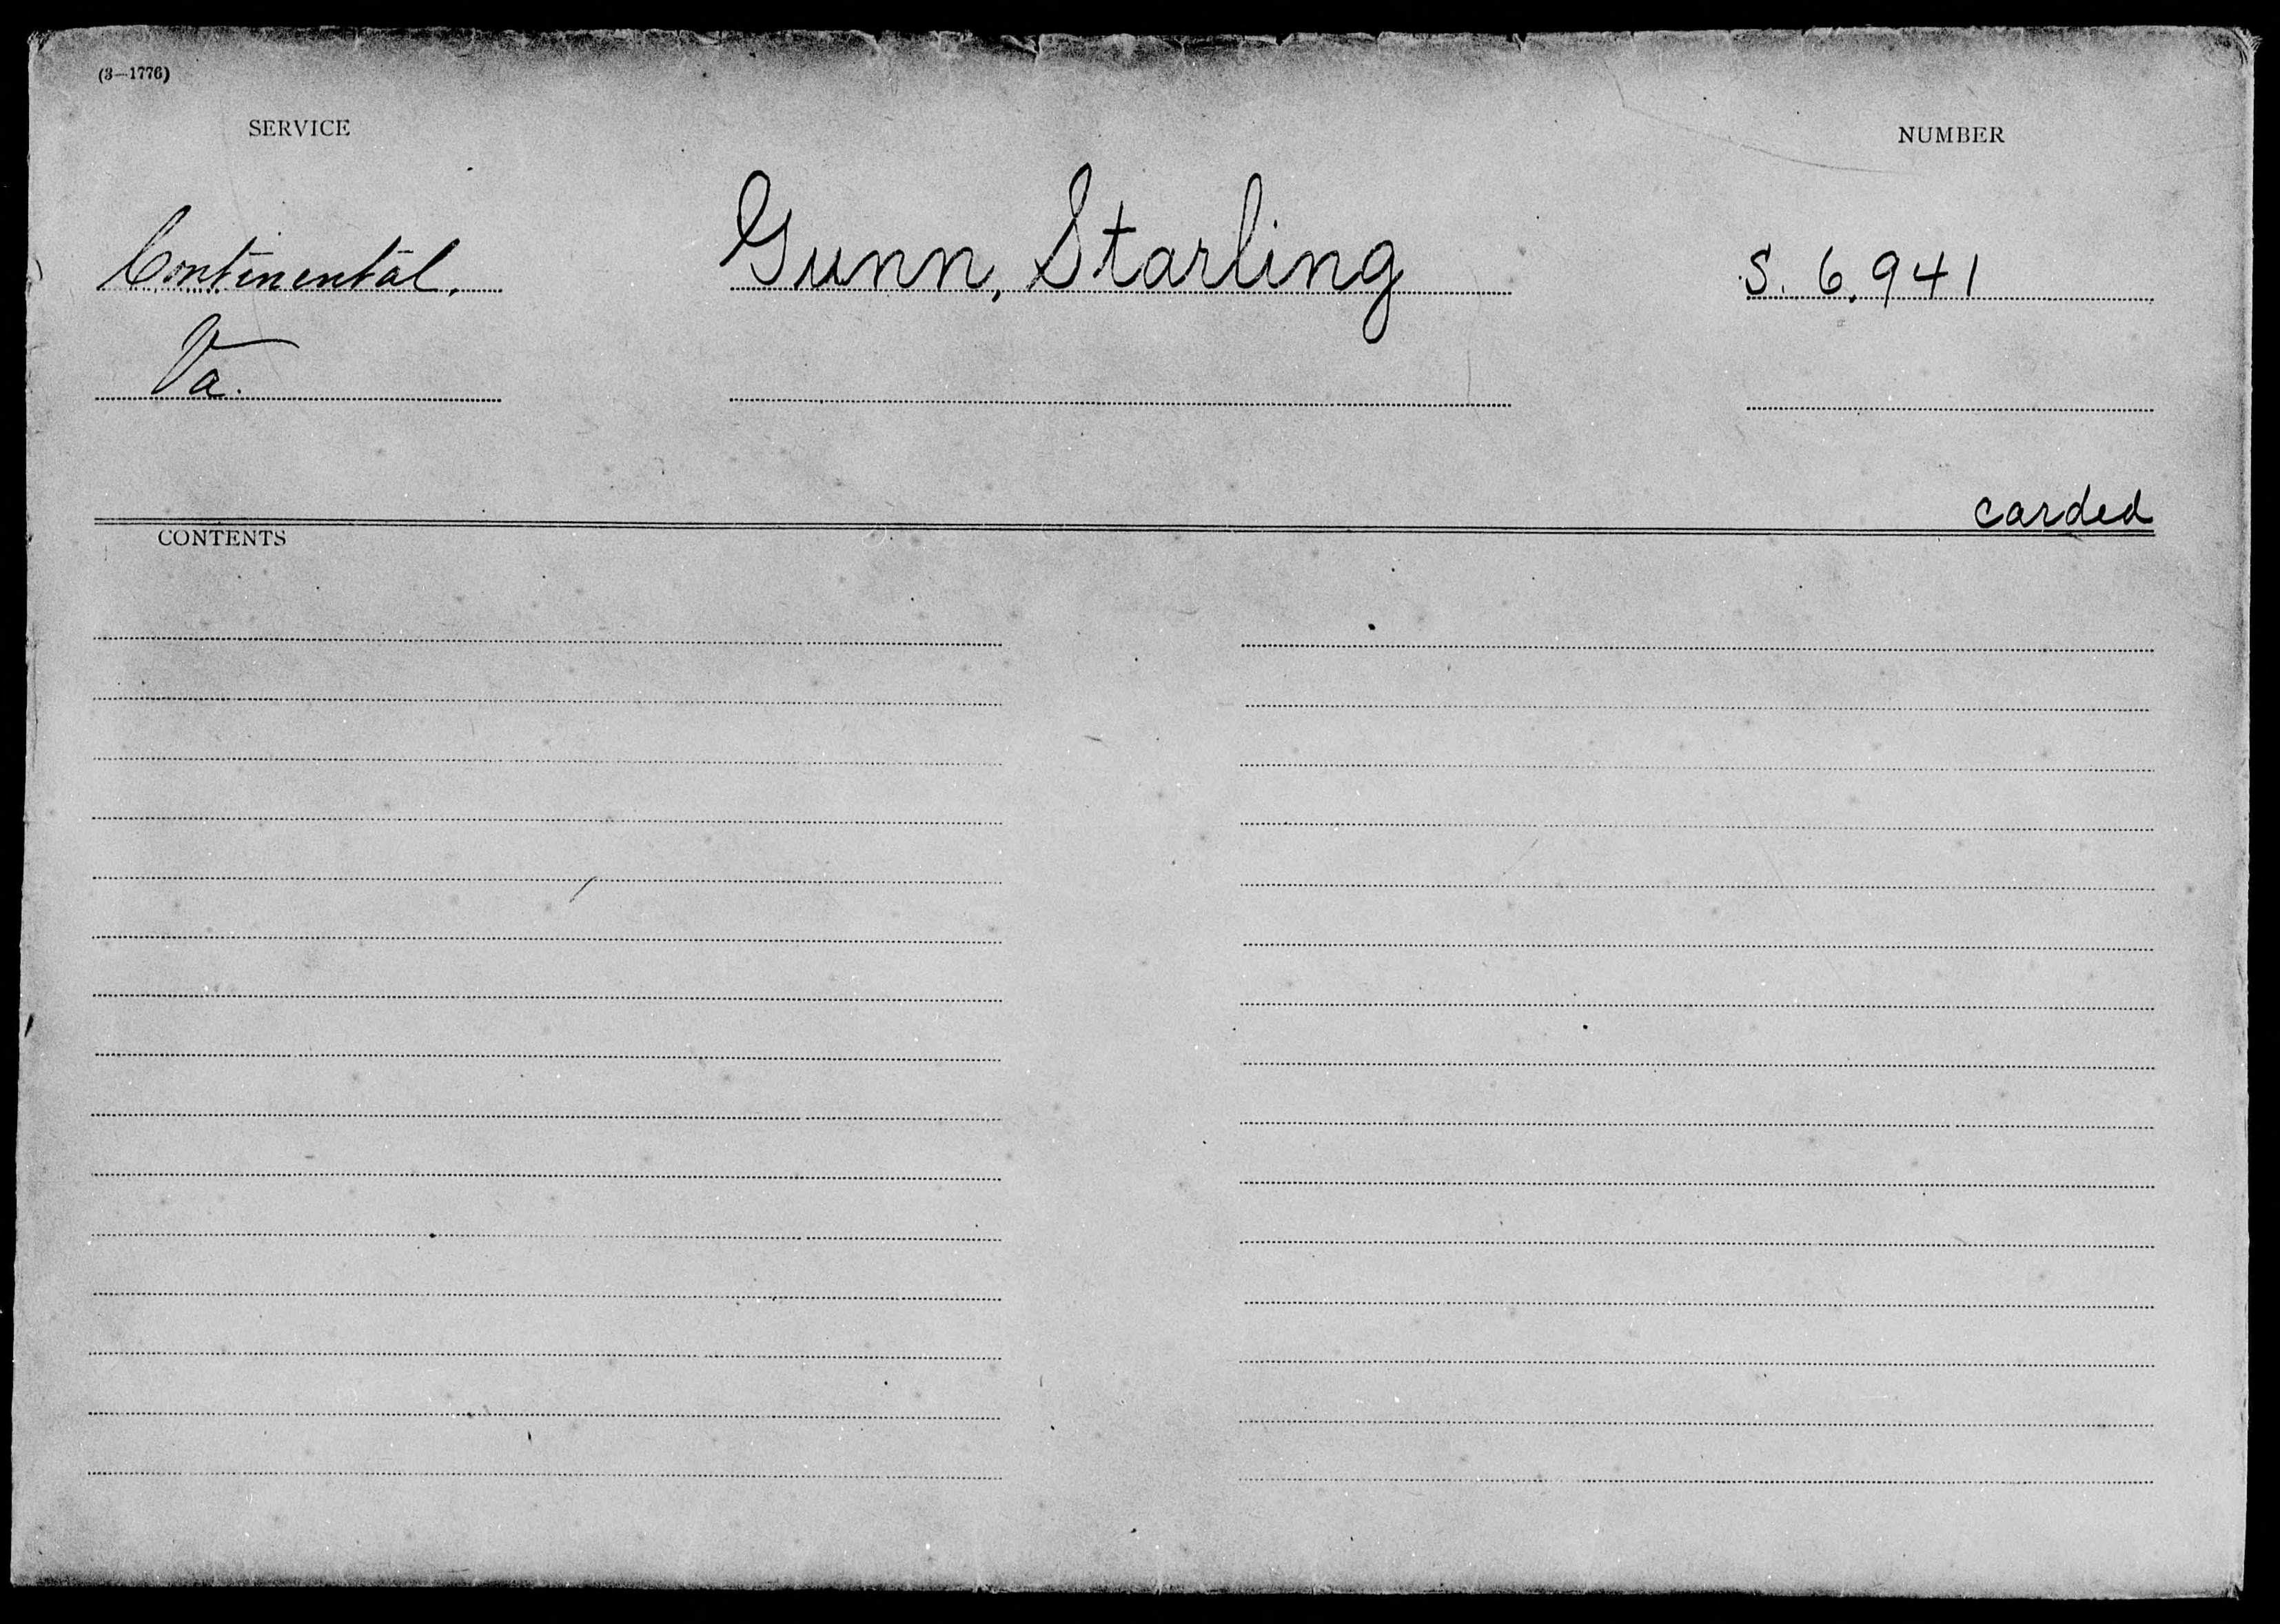(3-1776)
SERVICE Continental Va.
Gunn, Starling
NUMBER S. 6.941
carded
CONTENTS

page: 1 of 58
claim: survivor's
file: S. 6,941, Starling Gunn, Continental Va.